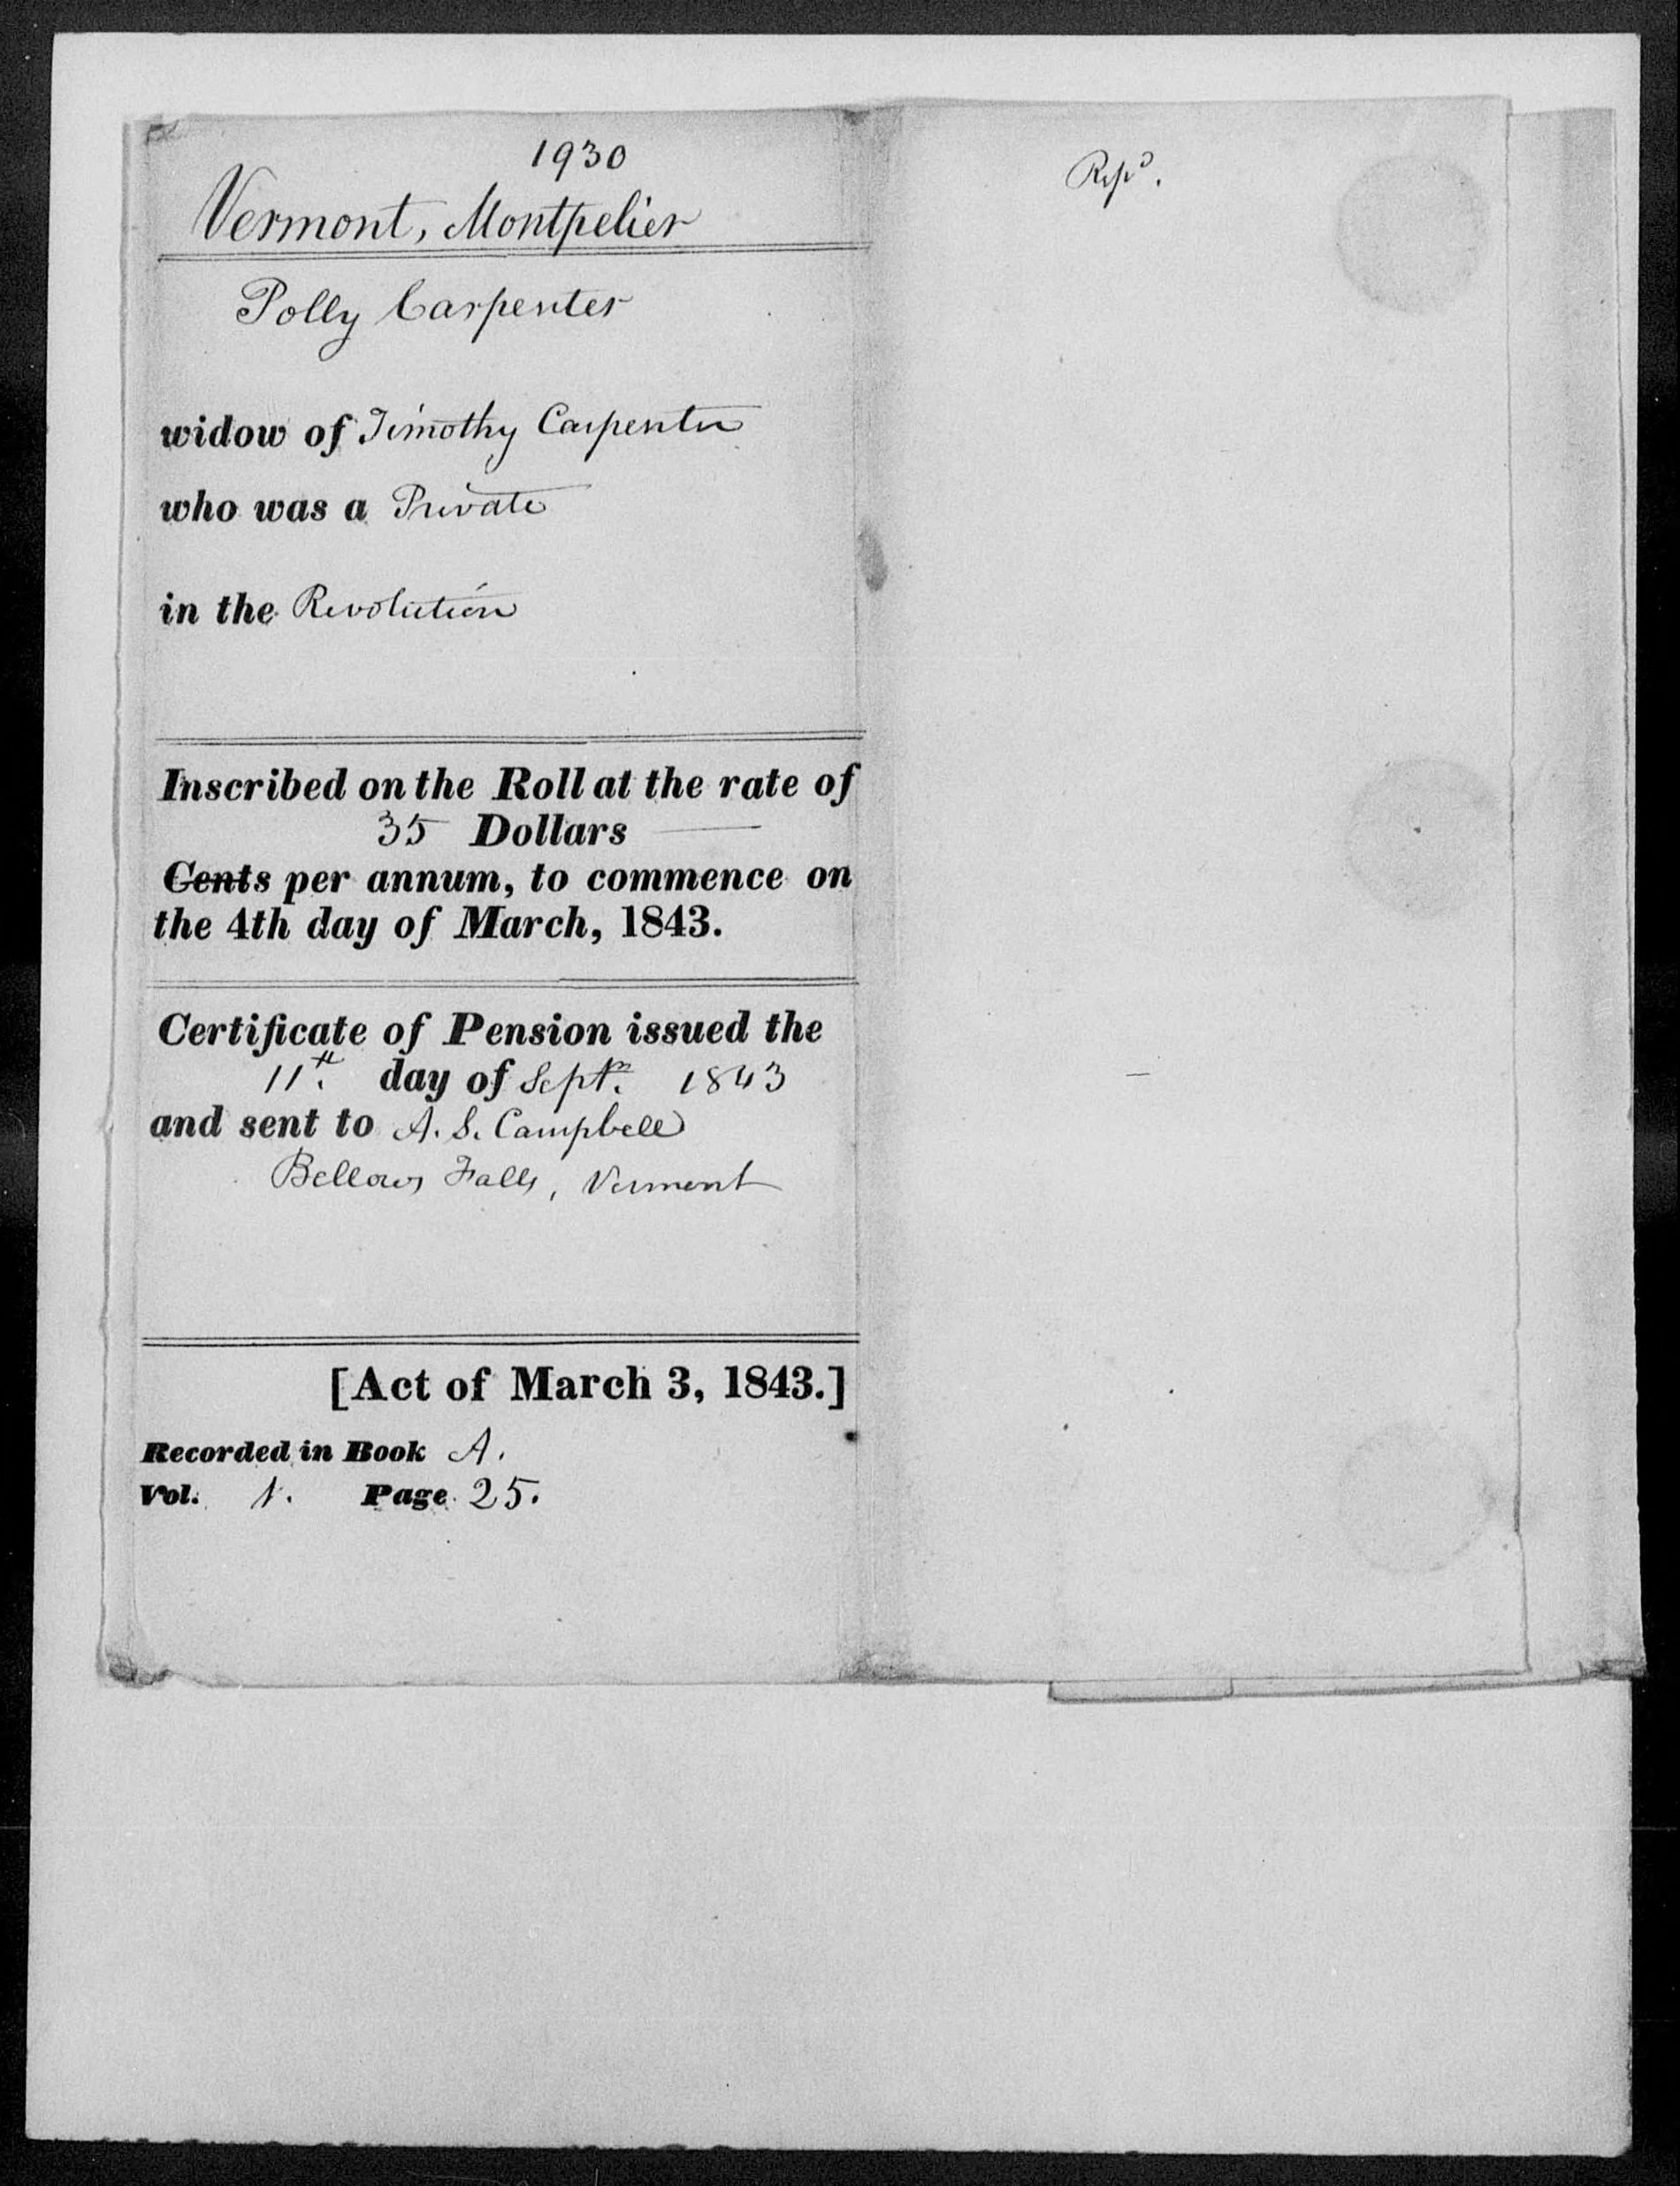[verso]
1930 Vermont, Montpelier
Polly Carpenter widow of Timothy Carpenter who was a Private in the Revolution
______
Inscribed on the Roll at the rate of 35 Dollars ['Cents' crossed out] per annum, to commence o the 4th day of March, 1843.
______
Certificate of Pension issued the 11th day of Sept'r 1843 and sent to A. S. Campbell 
Bellows Falls, Vermont

[Act of March 3, 1843.]
Recorded in Book A. Vol. N. Page 25.

[recto]
Rep'd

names: Timothy Carpenter, Polly Carpenter, A S Campbell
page: 19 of 41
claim: widow's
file: W. 15627, Timothy Carpenter, Vt.